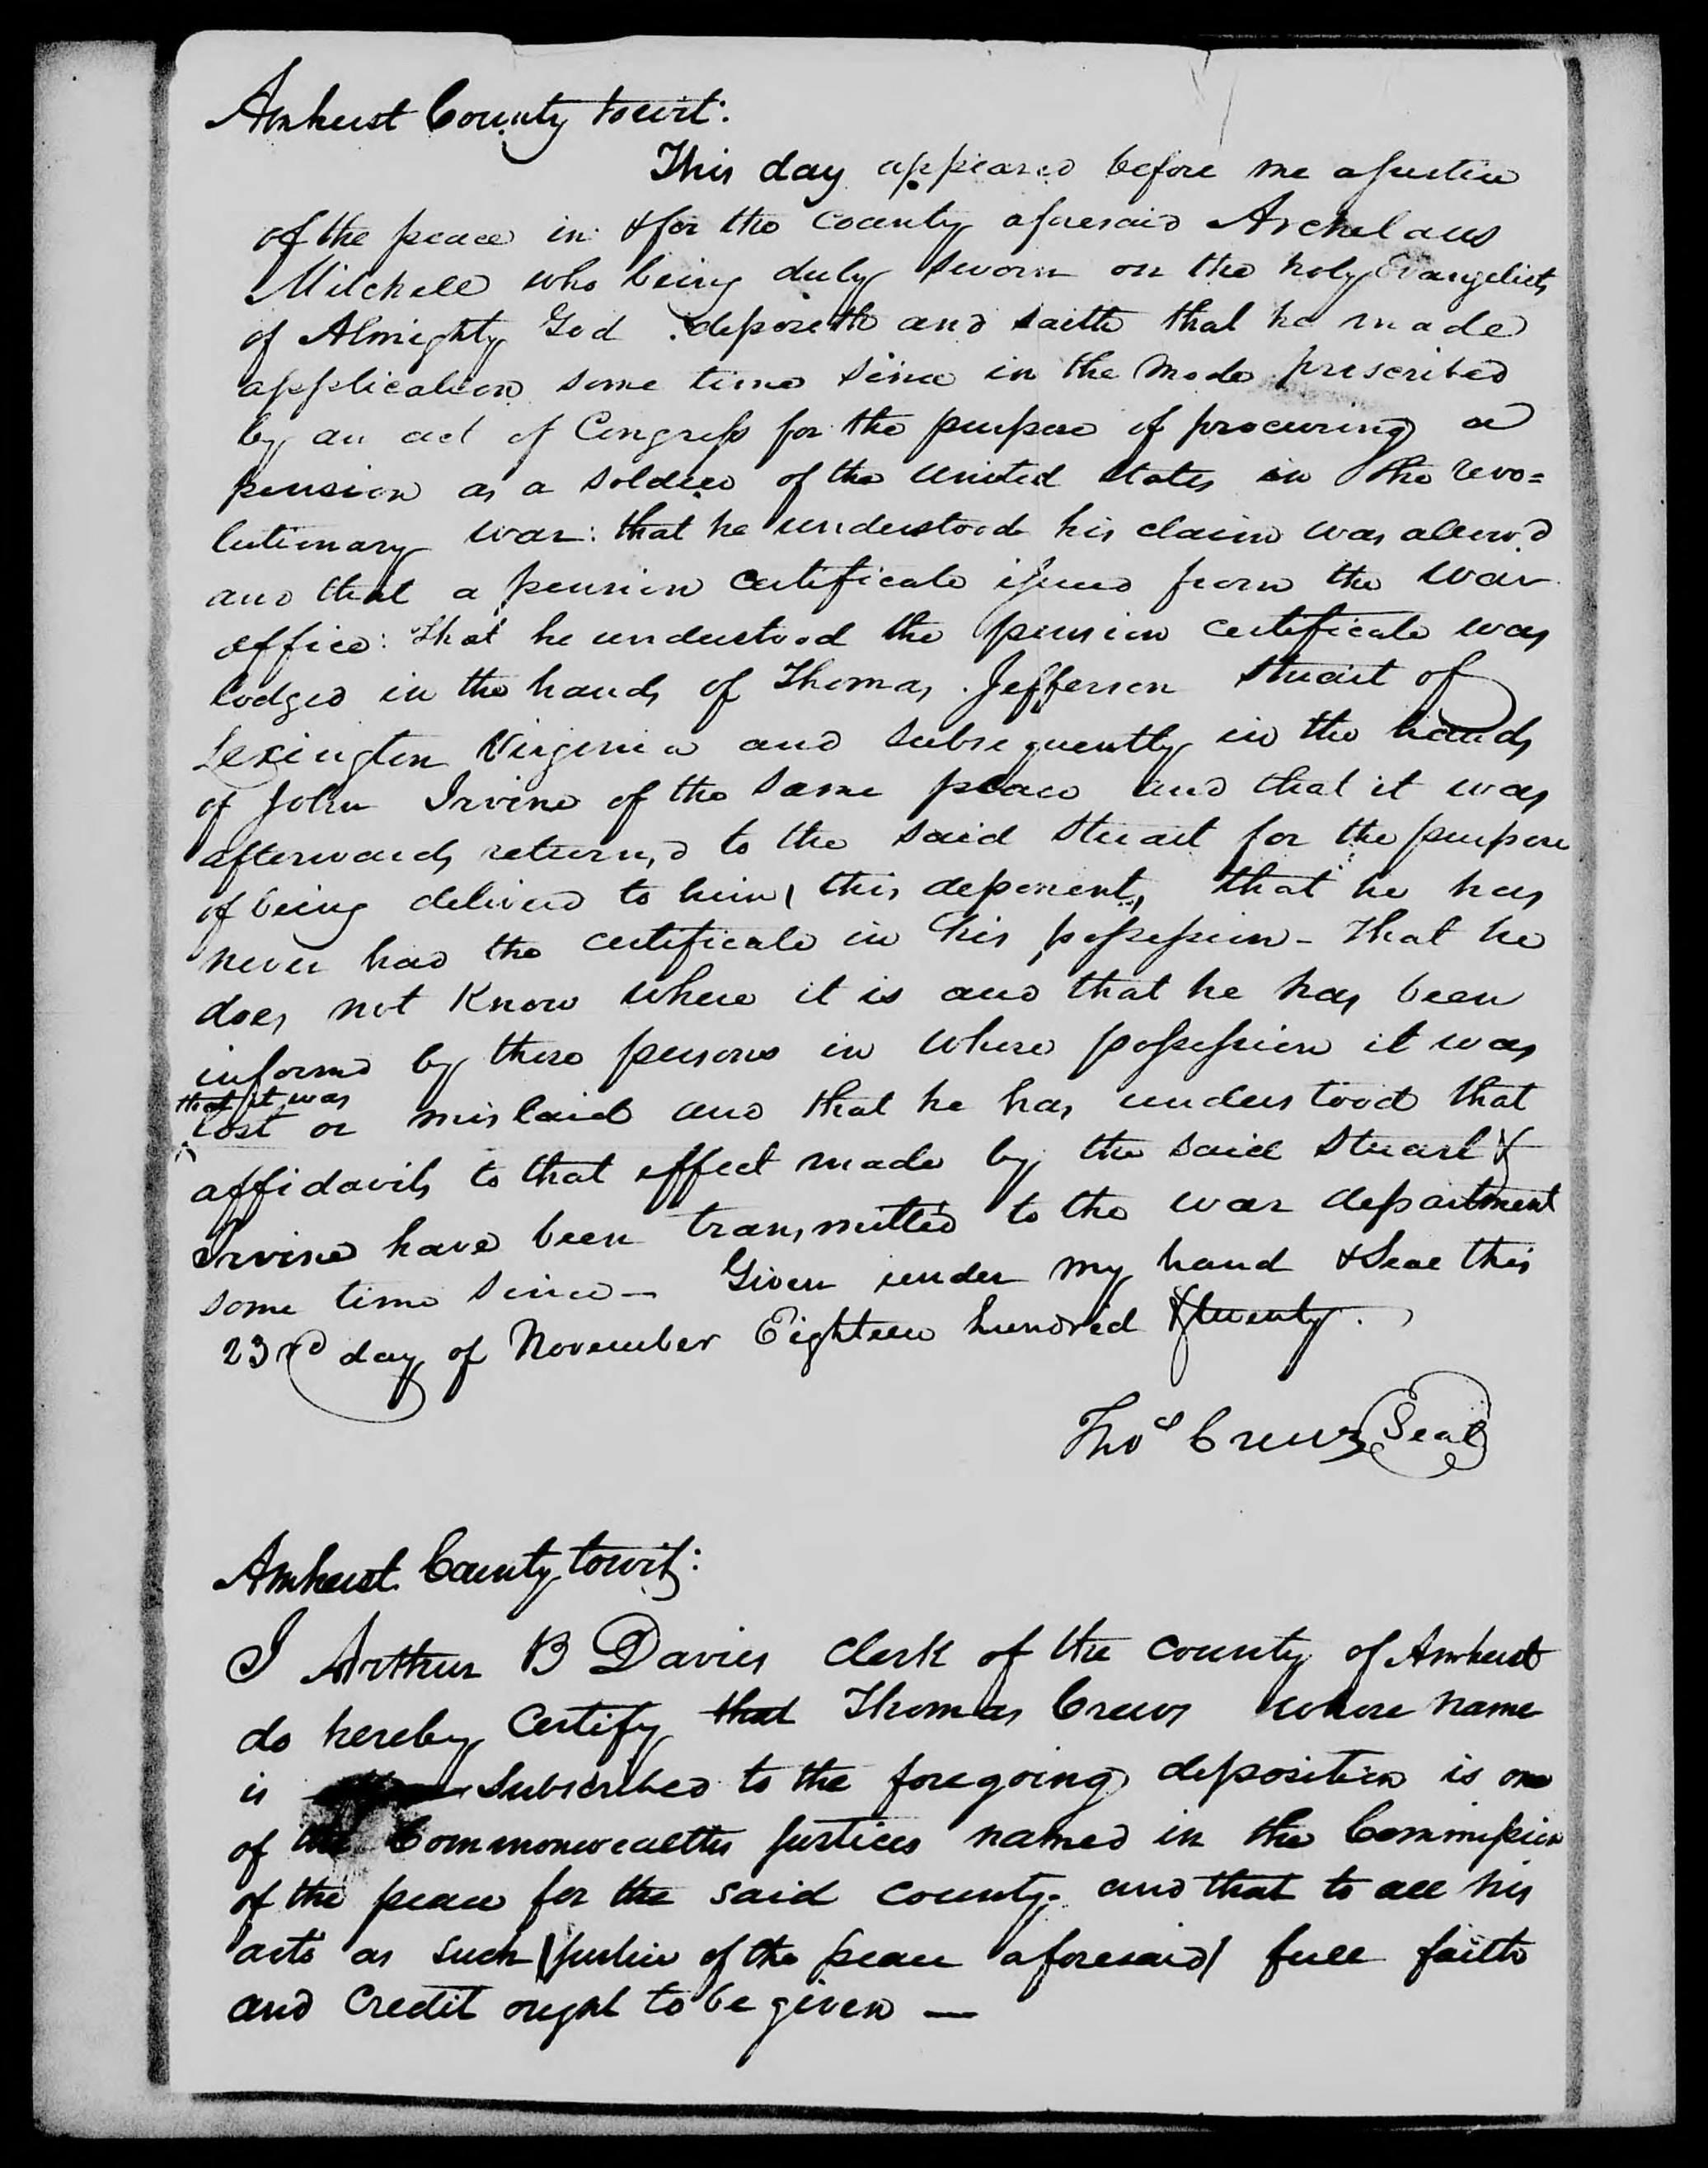Amherst County to wit:

This day appeared before me a justice of the peace in & for the county aforesaid Archelaus Mitchell who being duly sworn on the holy Evangelist of Almighty God deposeth and saith that he made application some time since in the mode prescribed by an act of congress for the purpose of procuring a pension as a soldier of the United States in the revolutionary war: that he understood his claim was allowᵈ and that a pension certificate issued from the war office: That he understood the pension certificate was lodged in the hands of Thomas Jefferson Stuart of Lexington Virginia and subsequently in the hands of John Irvine of the same place and that it was afterward returned to the said Stuart for the purpose of being delivered to him, this deponent, that he has never had the certificate in his possession_ That he does not know where it is and that he has been informed by these persons in whose possession it was ^that it was lost or mislaid and that he has understood that affidavit to that effect made by the said Stuart & Irvine have been transmitted to the war department some time since_ 

Given under my hand & seal this 23ʳᵈ day of November Eighteen hundred & twenty.
Thoˢ Crews [signature]  Seal

Amherst County to wit:

I Arthur B Davis clerk of the county of Amherst do hereby certify that Thomas Crews whose name is subscribed to the foregoing deposition is one of the Commonwealth Justices named in the Commission of the peace for the said county and that to all his acts as such /Justice of the peace aforesaid/ full faith and credit ought to be given_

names: Thomas Jefferson; [BLANK] Stuart; Thomas Crews; Archelaus Mitchell; John Irvine; Arthur B Davies; Thos Crews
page: 21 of 23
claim: survivor's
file: S. 38226, for Archelaus Mitchell, Virginia